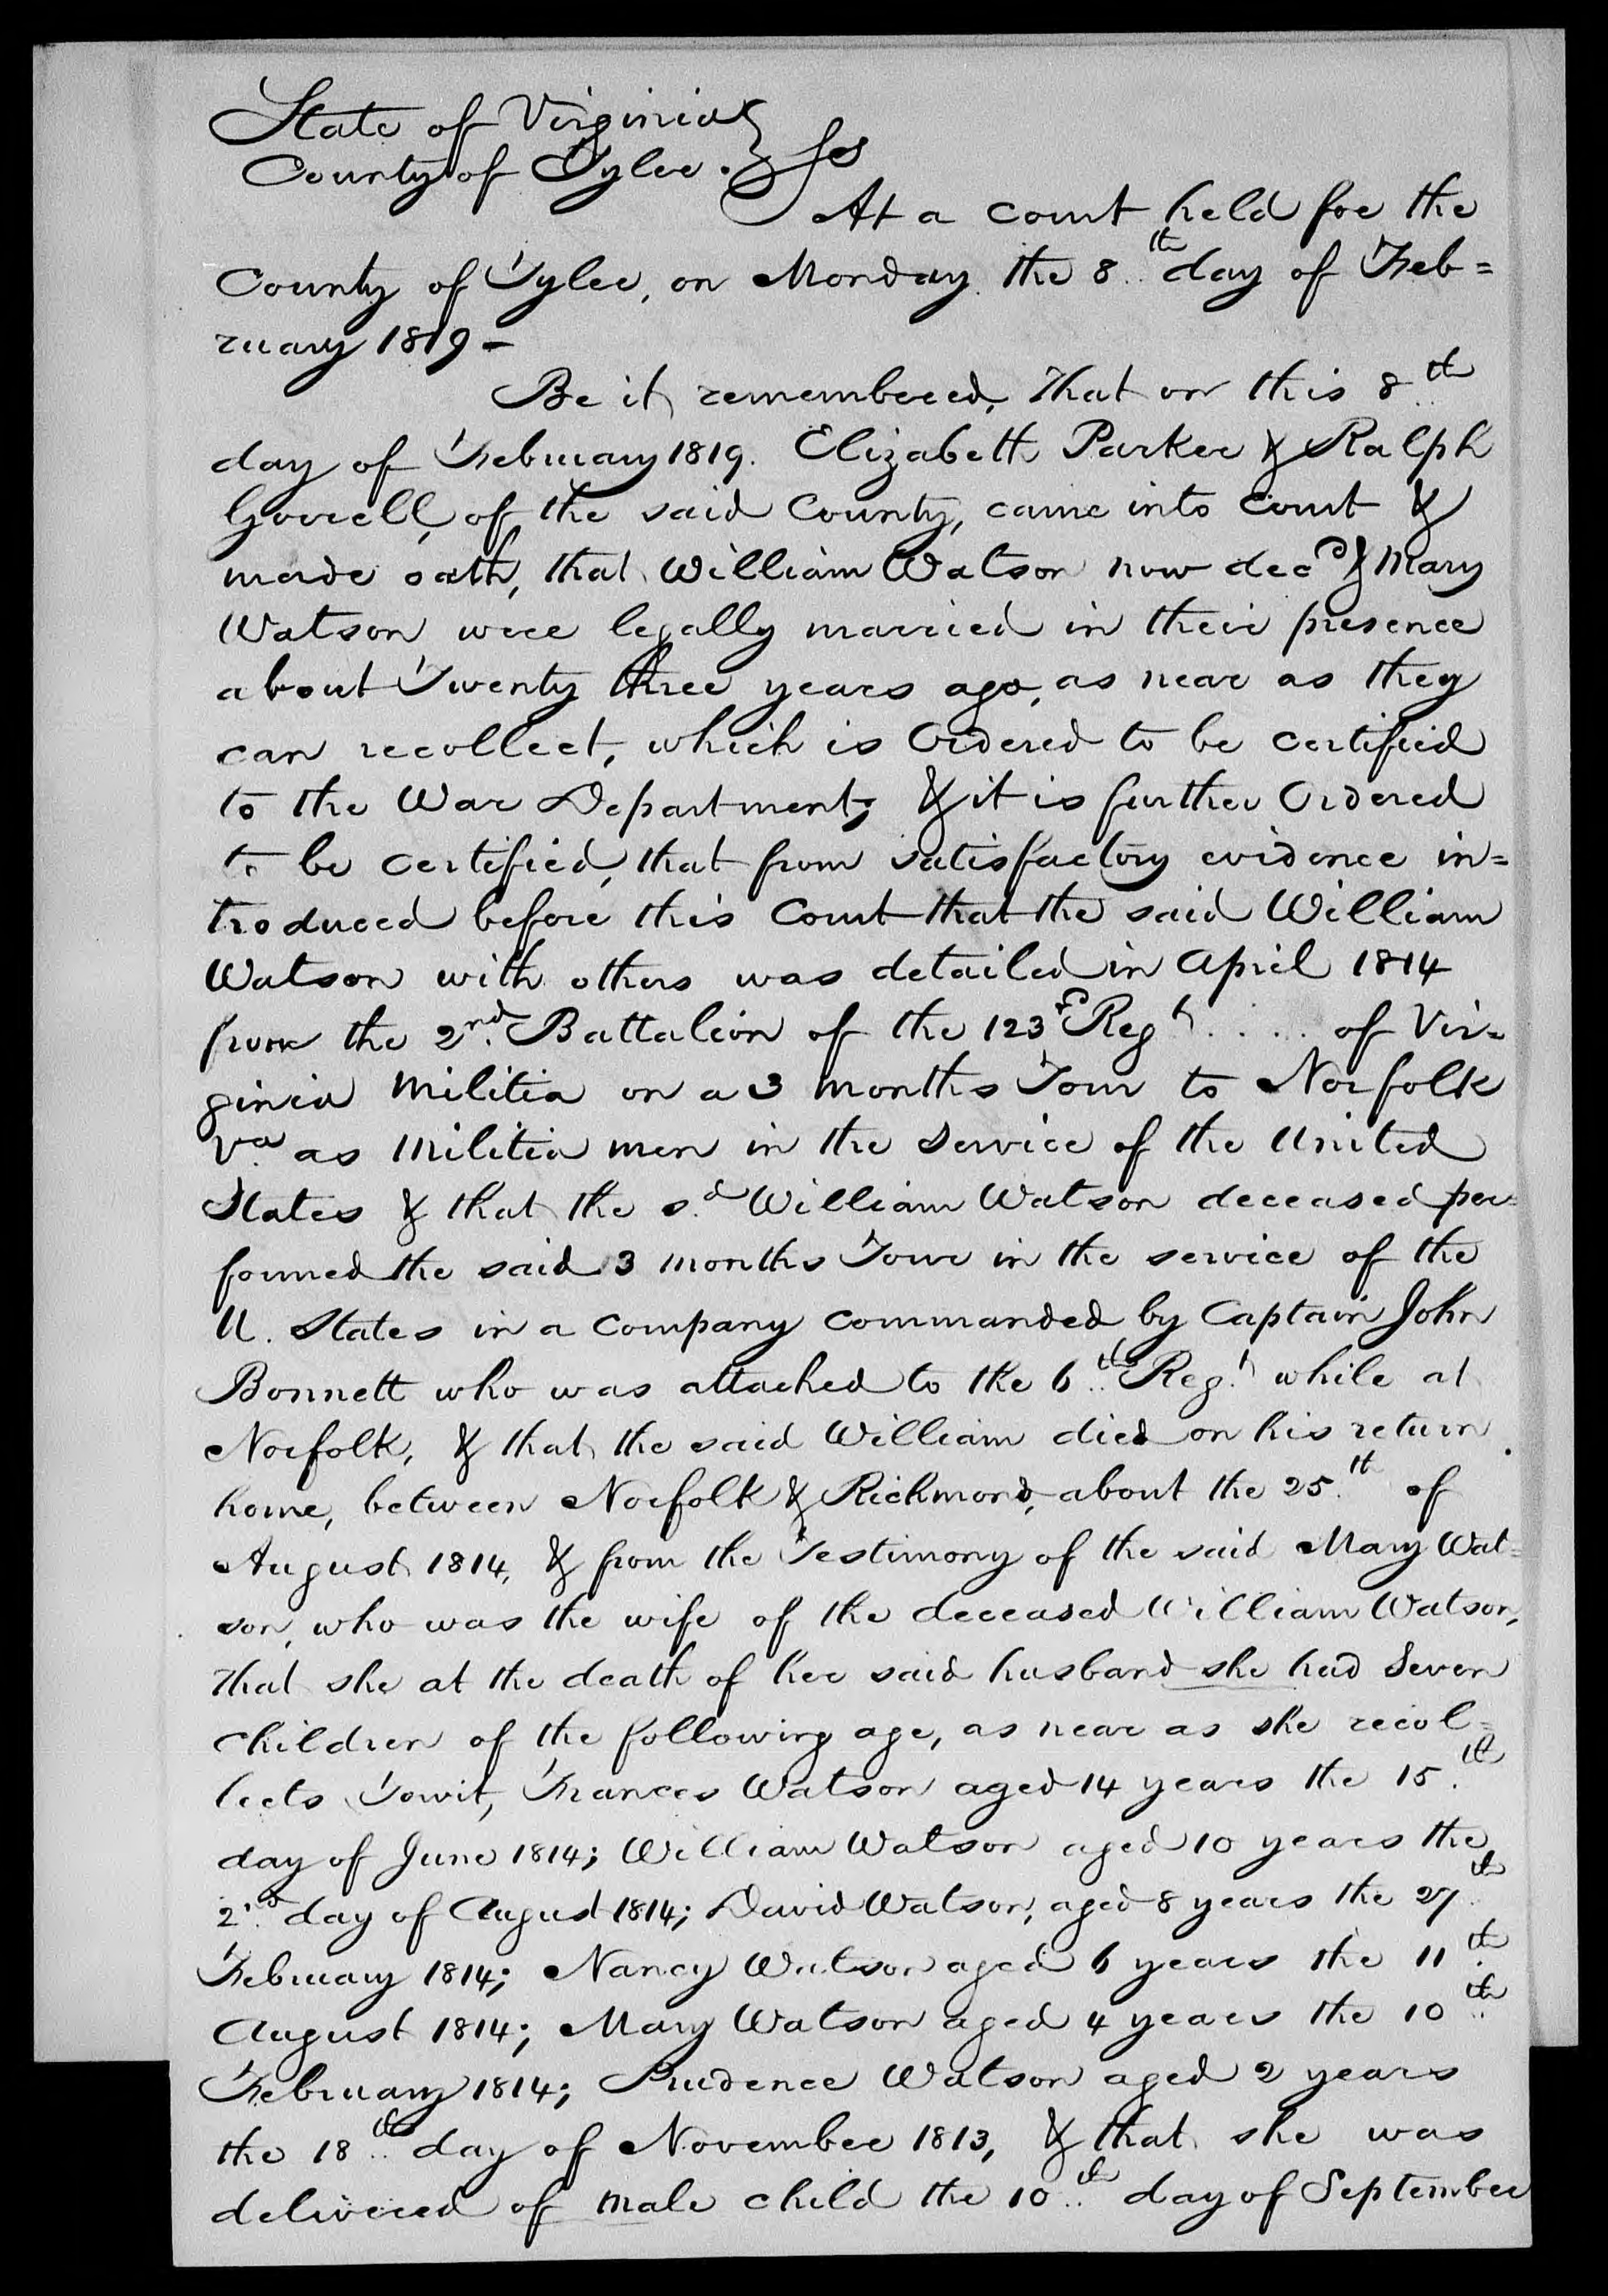State of Virginia
County of Tyler.} Ss
At a court held for the County of Tyler, on Monday, the 8th day of February 1819.
Be it remembered that on this 8th day of February 1819. Elizabeth Parker & Ralph Gorrell of the said County, came into Court & made oath, that William Watson now decd & Mary Watson were legally married in their presence about Twenty three years ago, as near as they can recollect, which is Ordered to be certified to the War Department; & it is further ordered to be certified, that from satisfactory evidence introduced before this Court that the said William Watson with others was detailed in April 1814 from the 2nd Battalion of the 123rd Regt. of Virginia Militia on a 3 months Tour to Norfolk Va as Militia men in the Service of the United States & that the sd. William Watson deceased performed the said 3 months Tour in the service of the U. States in a Company commanded by Captain John Bonnett who was attached to the 6th Regt while at Norfolk, & that the said William died on his return home, between Norfolk & Richmond, about the 25th of August 1814, & from the Testimony of the said Mary Watson, who was the wife of the deceased William Watson, that she at the death of her said husband she had Seven children of the following age, as near as she recollects, Towit, Frances Watson aged 14 years the 15th day of June 1814; William Watson aged 10 years the 2nd day of August 1814; David Watson, aged 8 years the 27th February 1814; Nancy Watson aged 6 years the 11th August 1814; Mary Watson aged 4 years the 10th February 1814; Prudence Watson aged 2 years the 18th day of November 1813, & that she was delivered of male child the 10th day of September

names: Frances Watson; Elizabeth Parker; William Watson; John Bonnett; Mary Watson; Ralph Gorrell; David Watson; Nancy Watson; Prudence Watson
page: 14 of 69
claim: widow's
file: W 8044, for Jacob Lewis, Virginia